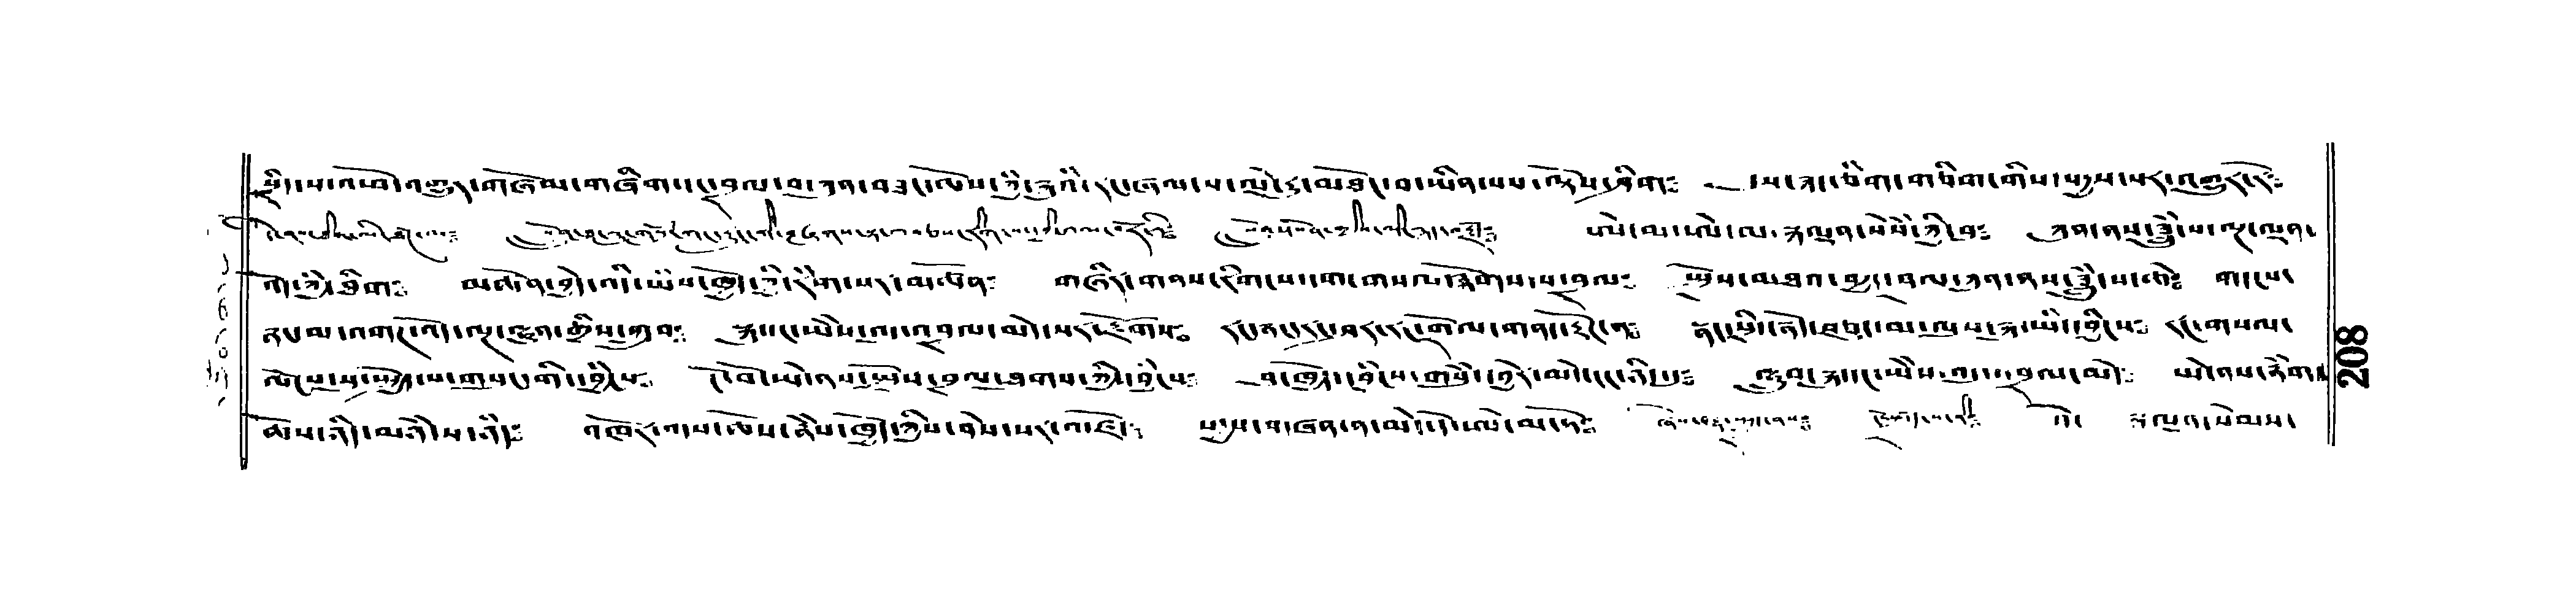སྲིད་པ་འཕོ་འགྱུར་གཞོམ་གཞིག་དང་བྲལ་བ་ཀུན་བཟང་ཆོས་ཀྱི་སྐུའི་རང་ཞལ་ས་ལེ་རུ་མཐོང་བ་ཡིན་པས་ལྟོས་ཤིག༔ དུས་སྐད་ཅིག་གཅིག་གིས་སངས་རྒྱས་པར་འགྱུར་རོ༔ 
དེ་ནས་ཐིག་ལེ་ཐོགས་ལ༔ སློབ་བུ་སྐུ་གསུམ་གང་རུང་གི་བཞུགས་སྟངས་བཅས་རིག་པ་དབྱིངས་ལ་བོར་ཏེ༔ སློབ་དཔོན་གྱིས་འདི་སྐད་བརྗོད༔ ཨེ་མ་ཨེ་མ་སྐལ་ལྡན་སེམས་ཀྱི་བུ༔ ཀུན་ནས་ཟླུམ་པ་ལྔ་ལྡན་
འོད་ཀྱི་ཐིག༔ མཚོན་བྱེད་འདི་ཡིས་ཁྱོད་ཀྱི་རིག་པ་མཚོན༔ གཞིར་གནས་རིག་པ་དག་གསལ་སྙོགས་པ་བྲལ༔ སྤྲོས་མཐའ་བརྒྱད་བྲལ་ཀུན་ནས་ཟླུམ་པ་ཆེ༔ གདངས་
སྣང་མ་འགགས་འོད་ལྔ་ལྷུན་གྱིས་གྲུབ༔ སྐུ་དང་ཡེ་ཤེས་འདུ་འབྲལ་མེད་པར་རྫོགས༔ རང་སྣང་རང་ཤར་རང་གྲོལ་གནད་རྟོགས་ན༔ སྣང་སྲིད་སྣོད་བཅུད་མ་ལུས་སྐུ་ཡི་དབྱིངས༔ རང་གསལ་
ལོངས་སུ་སྤྱོད་པ་གསུང་གི་དབྱིངས༔ ངོ་བོ་ཡེ་ནས་སྤྲོས་བྲལ་ཐུགས་ཀྱི་དབྱིངས༔ བུ་ཁྱོད་དབྱིངས་གསུམ་དབྱེར་མེད་ངང་ཉིད་དུ༔ ལྷུན་གྲུབ་སྐུ་དང་ཡེ་ཤེས་འདུ་འབྲལ་མེད༔ ཡེ་ནས་རྣམ་དག་
ཆོས་ཉིད་མཉམ་པ་ཉིད༔ འཁོར་འདས་ཆོས་རྣམས་ཁྱོད་ཀྱིས་ཤེས་པར་མཛོད༔ སངས་རྒྱས་གཞན་ན་མེད་དོ་ཨེ་མ་ཧོ༔ ཞེས་བརྡ་སྤྲད་ནས༔ ངོ་སྤྲོད་པ་ནི༔ འོ༔ སྐལ་ལྡན་སེམས་